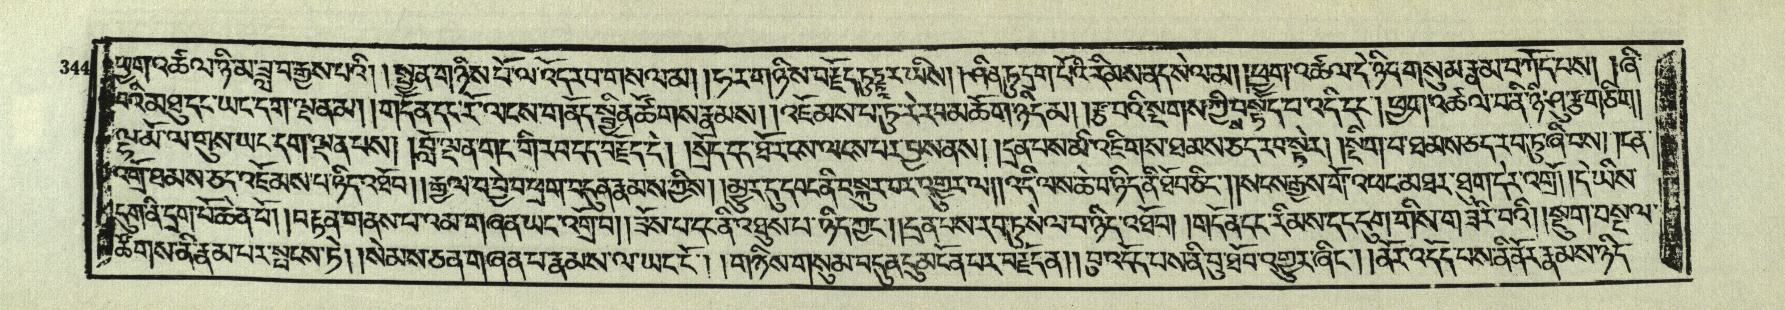ཕྱག་འཚལ་ཉི་མ་ཟླ་བ་རྒྱས་པའི། །སྤྱན་གཉིས་པོ་ལ་འོད་རབ་གསལ་མ། །ཧ་ར་གཉིས་བརྗོད་ཏུཏྟཱ་ར་ཡིས། །ཤིན་ཏུ་དྲག་པོའི་རིམས་ནད་སེལ་མ། །ཕྱག་འཚལ་དེ་ཉིད་གསུམ་རྣམ་བཀོད་པས། །ཞི་
བའི་མཐུ་དང་ཡང་དག་ལྡན་མ། །གདོན་དང་རོ་ལངས་གནོད་སྦྱིན་ཚོགས་རྣམས། །འཇོམས་པ་ཏུ་རེ་རབ་མཆོག་ཉིད་མ། །རྩ་བའི་སྔགས་ཀྱི་བསྟོད་པ་འདི་དང་། ཕྱག་འཚལ་བ་ནི་ཉི་ཤུ་རྩ་གཅིག།
ལྷ་མོ་ལ་གུས་ཡང་དག་ལྡན་པས། །བློ་ལྡན་གང་གི་རབ་དད་བརྗོད་དེ། །སྲོད་དད་ཐོ་རངས་ལངས་པར་བྱས་ནས། །དྲན་པས་མི་འཇིགས་ཐམས་ཅད་རབ་སྟེར། །སྡིག་པ་ཐམས་ཅད་རབ་ཏུ་ཞི་བས། །ངན་
འགྲོ་ཐམས་ཅད་འཇོམས་པ་ཉིད་འཐོབ། །རྒྱལ་བ་བྱེ་བ་ཕྲག་བདུན་རྣམས་ཀྱིས། །མྱུར་དུ་དབང་ནི་བསྐུར་བར་འགྱུར་ལ། །འདི་ལས་ཆེ་བ་ཉིད་ནི་ཐོབ་ཅིང་། །སངས་རྒྱས་གོ་འཕང་མཐར་ཐུག་དེར་འགྲོ། །དེ་ཡིས་
དུག་ནི་དྲག་པོ་ཆེན་པོ། །བརྟན་གནས་པ་འམ་གཞན་ཡང་འགྲོ་བ། །ཟོས་པ་དང་ནི་འཐུས་པ་ཉིད་ཀྱང་། །དྲན་པས་རབ་ཏུ་སེལ་བ་ཉིད་འཐོབ། །གདོན་དང་རིམས་དང་དུག་གིས་གཟིར་བའི། །སྡུག་བསྔལ་
ཚོགས་ནི་རྣམ་པར་སྤངས་ཏེ། །སེམས་ཅན་གཞན་པ་རྣམས་ལ་ཡང་ངོ། །གཉིས་གསུམ་བདུན་དུ་མངོན་པར་བརྗོད་ན། །བུ་འདོད་པས་ནི་བུ་ཐོབ་འགྱུར་ཞིང་། །ནོར་འདོད་པས་ནི་ནོར་རྣམས་ཉིད་